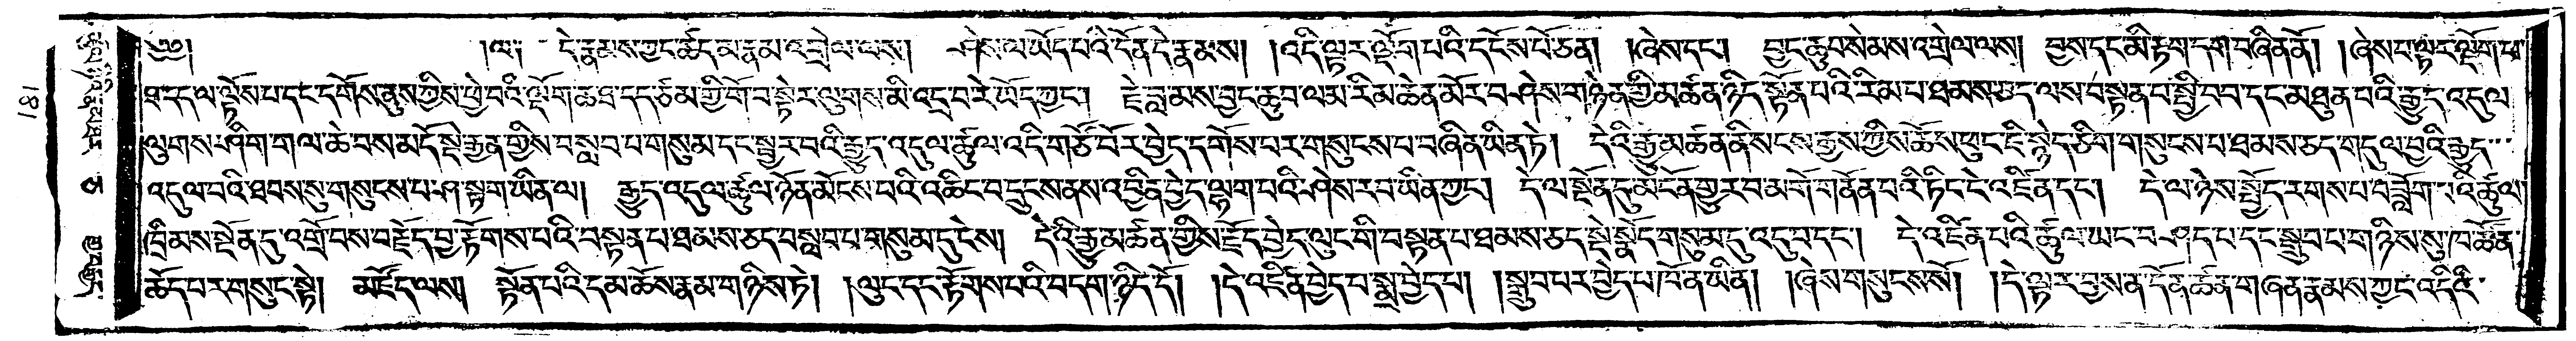༄༅། །ལ༑ དེ་རྣམས་ཀྱང་ཚད་མ་རྣམ་འགྲེལ་ལས། ཤེས་ལ་ཡོད་པའི་དོན་དེ་རྣམས། །འདི་ལྟར་ལྡོག་པའི་དངོས་པོ་ཅན། །ཞེས་དང་། བྱང་ཆུབ་སེམས་འགྲེལ་ལས། བྱས་དང་མི་རྟག་དག་བཞིན་ནོ། །ཞེས་པ་ལྟར་ལྡོག་པ་
ཐ་དད་ལ་ལྟོས་པ་དང་དགོས་ནུས་ཀྱིས་ཕྱེ་བའི་ལྡོག་ཆ་ཐ་དད་ཙམ་གྱི་གོ་བ་སྟེར་ལུགས་མི་འདྲ་བ་རེ་ཡོད་ཀྱང་། རྗེ་བླ་མས་བྱང་ཆུབ་ལམ་རིམ་ཆེན་མོར་བཤེས་གཉེན་གྱི་མཚན་ཉིད་སྟོན་པའི་རིམ་པ་ཐམས་ཅད་ལས་བསྟན་པ་སྤྱི་བབ་དང་མཐུན་པའི་རྒྱུད་འདུལ་
ལུགས་ཤིག་གལ་ཆེ་བས་མདོ་སྡེ་རྒྱན་གྱིས་བསླབ་པ་གསུམ་དང་སྦྱར་བའི་རྒྱུད་འདུལ་ཚུལ་འདི་གཙོ་བོར་བྱེད་དགོས་པར་གསུངས་པ་བཞིན་ཡིན་ཏེ། དེའི་རྒྱུ་མཚན་ནི་སངས་རྒྱས་ཀྱིས་ཆོས་ཕུང་ཇི་སྙེད་ཅིག་གསུངས་པ་ཐམས་ཅད་གདུལ་བྱའི་རྒྱུད་
འདུལ་བའི་ཐབས་སུ་གསུངས་པ་ཤ་སྟག་ཡིན་ལ། རྒྱུད་འདུལ་ཚུལ་ཉོན་མོངས་པའི་འཆིང་བ་དྲུངས་ནས་འབྱིན་བྱེད་ལྷག་པའི་ཤེས་རབ་ཡིན་ཀྱང་། དེ་ལ་སྔོན་དུ་མངོན་གྱུར་བ་མགོ་གནོན་པའི་ཏིང་ངེ་འཛིན། དེ་ལ་ཉེས་སྤྱོད་རགས་པ་བཟློག་པའི་ཚུལ་
ཁྲིམས་སྔོན་དུ་འགྲོ་བས་བརྗོད་བྱ་རྟོགས་པའི་བསྟན་པ་ཐམས་ཅད་བསླབ་པ་གསུམ་དུ་ངེས། དེའི་རྒྱུ་མཚན་གྱིས་རྗོད་བྱེད་ལུང་གི་བསྟན་པ་ཐམས་ཅད་སྡེ་སྣོད་གསུམ་དུ་འདུ་བ་དང་། དེ་ལ་འཛིན་པའི་ཚུལ་ཡང་བཤད་པ་དང་སྒྲུབ་བ་གཉིས་སུ་ཁ་ཚོན་
ཆོད་པར་གསུང་སྟེ། མཛོད་ལས། སྟོན་པའི་དམ་ཆོས་རྣམ་གཉིས་ཏེ། །ལུང་དང་རྟོགས་པའི་བདག་ཉིད་དོ། །དེ་འཛིན་བྱེད་བ་སྨྲ་བྱེད་པ། །སྒྲུབ་པར་བྱེད་པ་ཁོ་ན་ཡིན། །ཞེས་གསུངས་སོ། །དེ་ལྟར་བྱས་ན་དོན་ཚན་གཞན་རྣམས་ཀྱང་འདིའི་